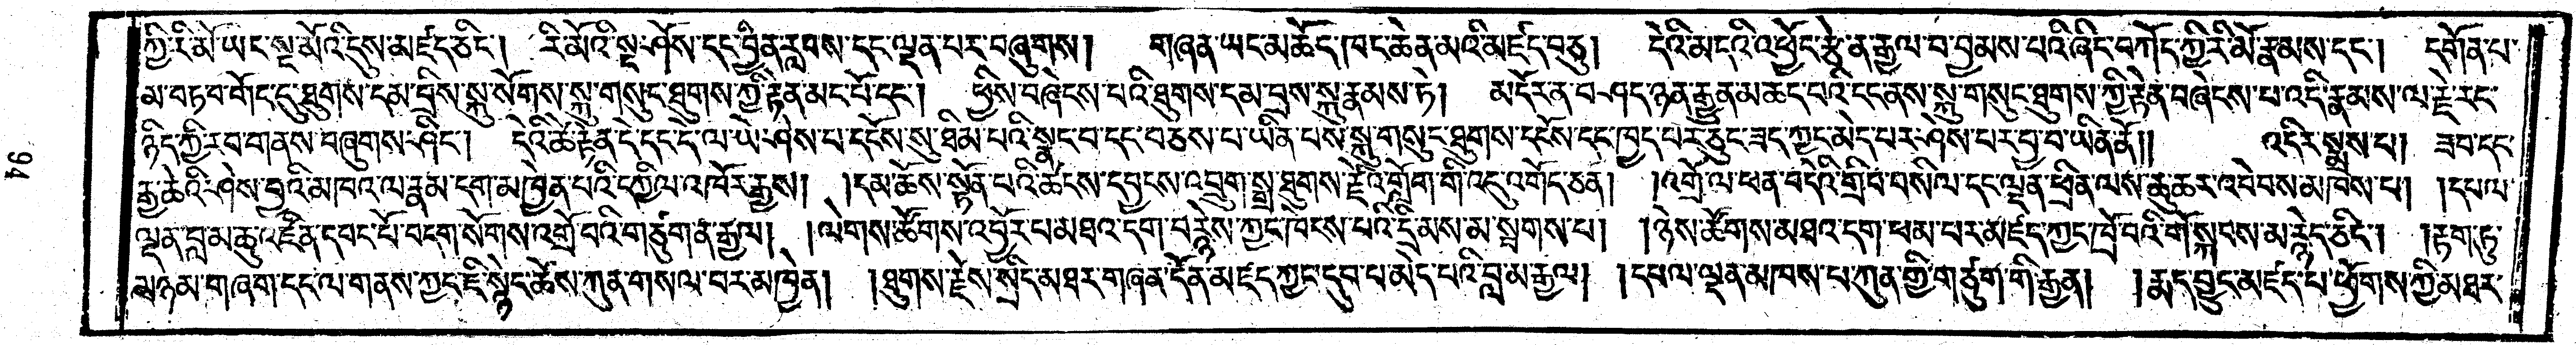ཀྱི་རི་མོ་ཡང་སྔ་མོའི་དུས་མཛད་ཅིང་། རི་མོའི་སྔ་ཤོས་དང་བྱིན་རླབས་དང་ལྡན་པར་བཞུགས། གཞན་ཡང་མཆོད་ཁང་ཆེན་མའི་མཛད་བཅུ། དེའི་མདའི་འཕྱོད་རྩེ་ན་རྒྱལ་བ་བྱམས་པའི་ཞིང་བཀོད་ཀྱི་རི་མོ་རྣམས་དང་། དགོན་པ་
མ་བཏབ་གོང་དུ་ཐུགས་དམ་བྲིས་སྐུ་སོགས་སྐུ་གསུང་ཐུགས་ཀྱི་རྟེན་མང་པོ་དང་། ཕྱིས་བཞེངས་པའི་ཐུགས་དམ་བྲས་སྐུ་རྣམས་ཏེ། མདོར་ན་བཤད་ཉན་རྒྱུན་མཆད་བའི་དང་ནས་སྐུ་གསུང་ཐུགས་ཀྱི་རྟེན་བཞེངས་པ་འདི་རྣམས་ལ་རྗེ་རང་
ཉིད་ཀྱི་རབ་གནས་བཞུགས་ཤིང་། དེའི་ཚེ་རྟེན་དེ་དང་དེ་ལ་ཡེ་ཤེས་པ་དངོས་སུ་ཐིམ་པའི་སྣང་བ་དང་བཅས་པ་ཡིན་པས་སྐུ་གསུང་ཐུགས་དངོས་དང་ཁྱད་པར་ཅུང་ཟད་ཀྱང་མེད་པར་ཤེས་པར་བྱ་བ་ཡིན་ནོ།། འདིར་སྨྲས་པ། ཟབ་དང་
རྒྱ་ཆེའི་ཤེས་བྱའི་མཁའ་ལ་རྣམ་དག་མཁྱེན་པའི་དཀྱིལ་འཁོར་རྒྱས། །དམ་ཆོས་སྟོན་པའི་ཚངས་དབྱངས་འབྲུག་སྒྲ་ཐུགས་རྗེའི་གློག་གི་འདུ་འགོད་ཅན། །འགྲོ་ལ་ཕན་བདེའི་གྲིབ་བསིལ་དང་ལྡན་ཕྲིན་ལས་ཆུ་ཆར་འབེབས་མཁས་པ། །དཔལ་
ལྡན་བླ་མ་ཆུ་འཛིན་དབང་པོ་བདག་སོགས་འགྲོ་བའི་གཙུག་ན་རྒྱལ། །ལེགས་ཚོགས་འབྱོར་པ་མཐའ་དག་བརྙེས་ཀྱང་ཁེངས་པའི་དྲི་མས་མ་སྦགས་པ། །ཉེས་ཚོགས་མཐའ་དག་ཕམ་པར་མཛད་ཀྱང་ཁྲོ་བའི་གོ་སྐབས་མ་རྙེད་ཅིང་། །རྟག་ཏུ་
མཉམ་གཞག་དང་ལ་གནས་ཀྱང་ཇི་སྙེད་ཚེས་ཀུན་གསལ་བར་མཁྱེན། །ཐུགས་རྗེས་སྲིད་མཐར་གཞན་དོན་མཛད་ཀྱང་དུབ་པ་མེད་པའི་བླ་མ་རྒྱལ། །དཔལ་ལྡན་མཁས་པ་ཀུན་གྱི་གཙུག་གི་རྒྱན། །རྨད་བྱུང་མཛད་པ་ཕྱོགས་ཀྱི་མཐར་